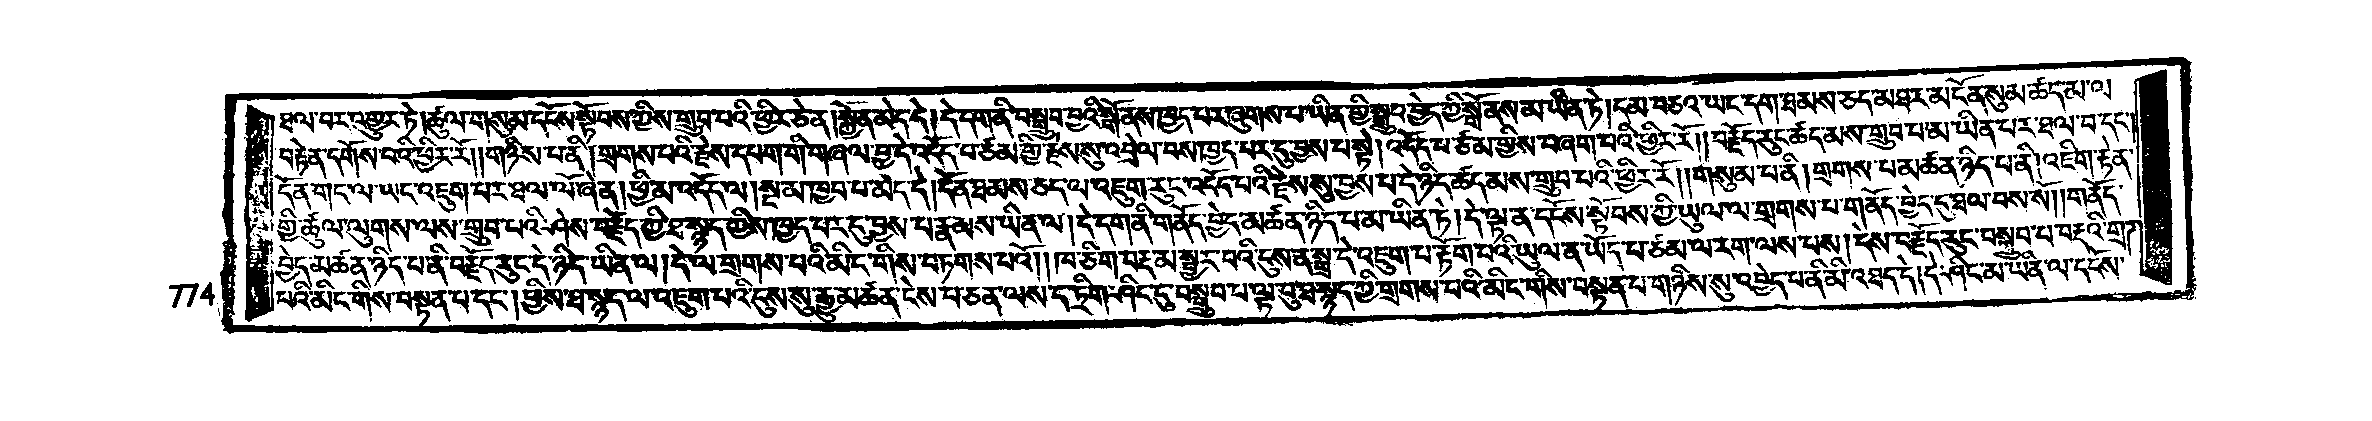ཐལ་བར་འགྱུར་ཏེ། ཚུལ་གསུམ་དངོས་སྟོབས་ཀྱིས་གྲུབ་པའི་ཕྱིར་ཅེ་ན། སྐྱོན་མེད་དེ། དེ་དག་ནི་བསྒྲུབ་བྱའི་སྒོ་ནས་ཁྱད་པར་ཞུགས་པ་ཡིན་གྱི་སྒྲུབ་བྱེད་ཀྱི་སྒོ་ནས་མ་ཡིན་ཏེ། དམ་བཅའ་ཡང་དག་ཐམས་ཅད་མཐར་མངོན་སུམ་ཚད་མ་ལ་
བརྟེན་དགོས་པའི་ཕྱིར་རོ། །གཉིས་པ་ནི། གྲགས་པའི་རྗེས་དཔག་གི་གཞལ་བྱ་དེ་འདོད་པ་ཙམ་གྱི་རྗེས་སུ་འབྲེལ་བས་ཁྱད་པར་དུ་བྱས་པ་སྟེ། འདོད་པ་ཙམ་གྱིས་བཞག་པའི་ཕྱིར་རོ། །བརྗོད་རུང་ཚད་མས་གྲུབ་པ་མ་ཡིན་པར་ཐལ་བ་དང་།
དོན་གང་ལ་ཡང་འཇུག་པར་ཐལ་ལོ་ཞེ་ན། ཕྱི་མ་འདོད་ལ། སྔ་མ་ཁྱབ་པ་མེད་དེ། དོན་ཐམས་ཅད་ལ་འཇུག་རུང་འདོད་པའི་རྗེས་སུ་བྱས་པ་དེ་ཉིད་ཚད་མས་གྲུབ་པའི་ཕྱིར་རོ། །གསུམ་པ་ནི། གྲགས་པ་མཚན་ཉིད་པ་ནི། འཇིག་རྟེན་
གྱི་ཚུལ་ལུགས་ལས་གྲུབ་པའི་ཤེས་བརྗོད་ཀྱི་ཐ་སྙད་ཀྱིས་ཁྱད་པར་དུ་བྱས་པ་རྣམས་ཡིན་ལ། དེ་དག་ནི་གནོད་བྱེད་མཚན་ཉིད་པ་མ་ཡིན་ཏེ། དེ་ལྟ་ན་དངོས་སྟོབས་ཀྱི་ཡུལ་ལ་གྲགས་པ་གནོད་བྱེད་དུ་ཐལ་བས་སོ། །གནོད་
བྱེད་མཚན་ཉིད་པ་ནི་བརྗོད་རུང་དེ་ཉིད་ཡིན་ལ། དེ་ལ་གྲགས་པའི་མིང་གིས་བཏགས་པའོ། །ཁ་ཅིག་བརྡ་མ་སྦྱར་བའི་དུས་ན་སྒྲ་དེ་འཇུག་པ་རྟོག་པའི་ཡུལ་ན་ཡོད་པ་ཙམ་ལ་རག་ལས་པས། དེས་བརྗོད་རུང་བསྒྲུབ་པ་བརྡའི་གྲགས་
པའི་མིང་གིས་བསྟན་པ་དང་། ཕྱིས་ཐ་སྙད་ལ་འཇུག་པའི་དུས་སུ་རྒྱུ་མཚན་ངེས་པ་ཅན་ལས་ད་ཏྲིག་ཤིང་དུ་བསྒྲུབ་པ་ལྟ་བུ་ཐ་སྙད་ཀྱི་གྲགས་པའི་མིང་གིས་བསྟན་པ་གཉིས་སུ་འབྱེད་པ་ནི་མི་འཐད་དེ། དེ་ཤིང་མ་ཡིན་ལ་དངོས་